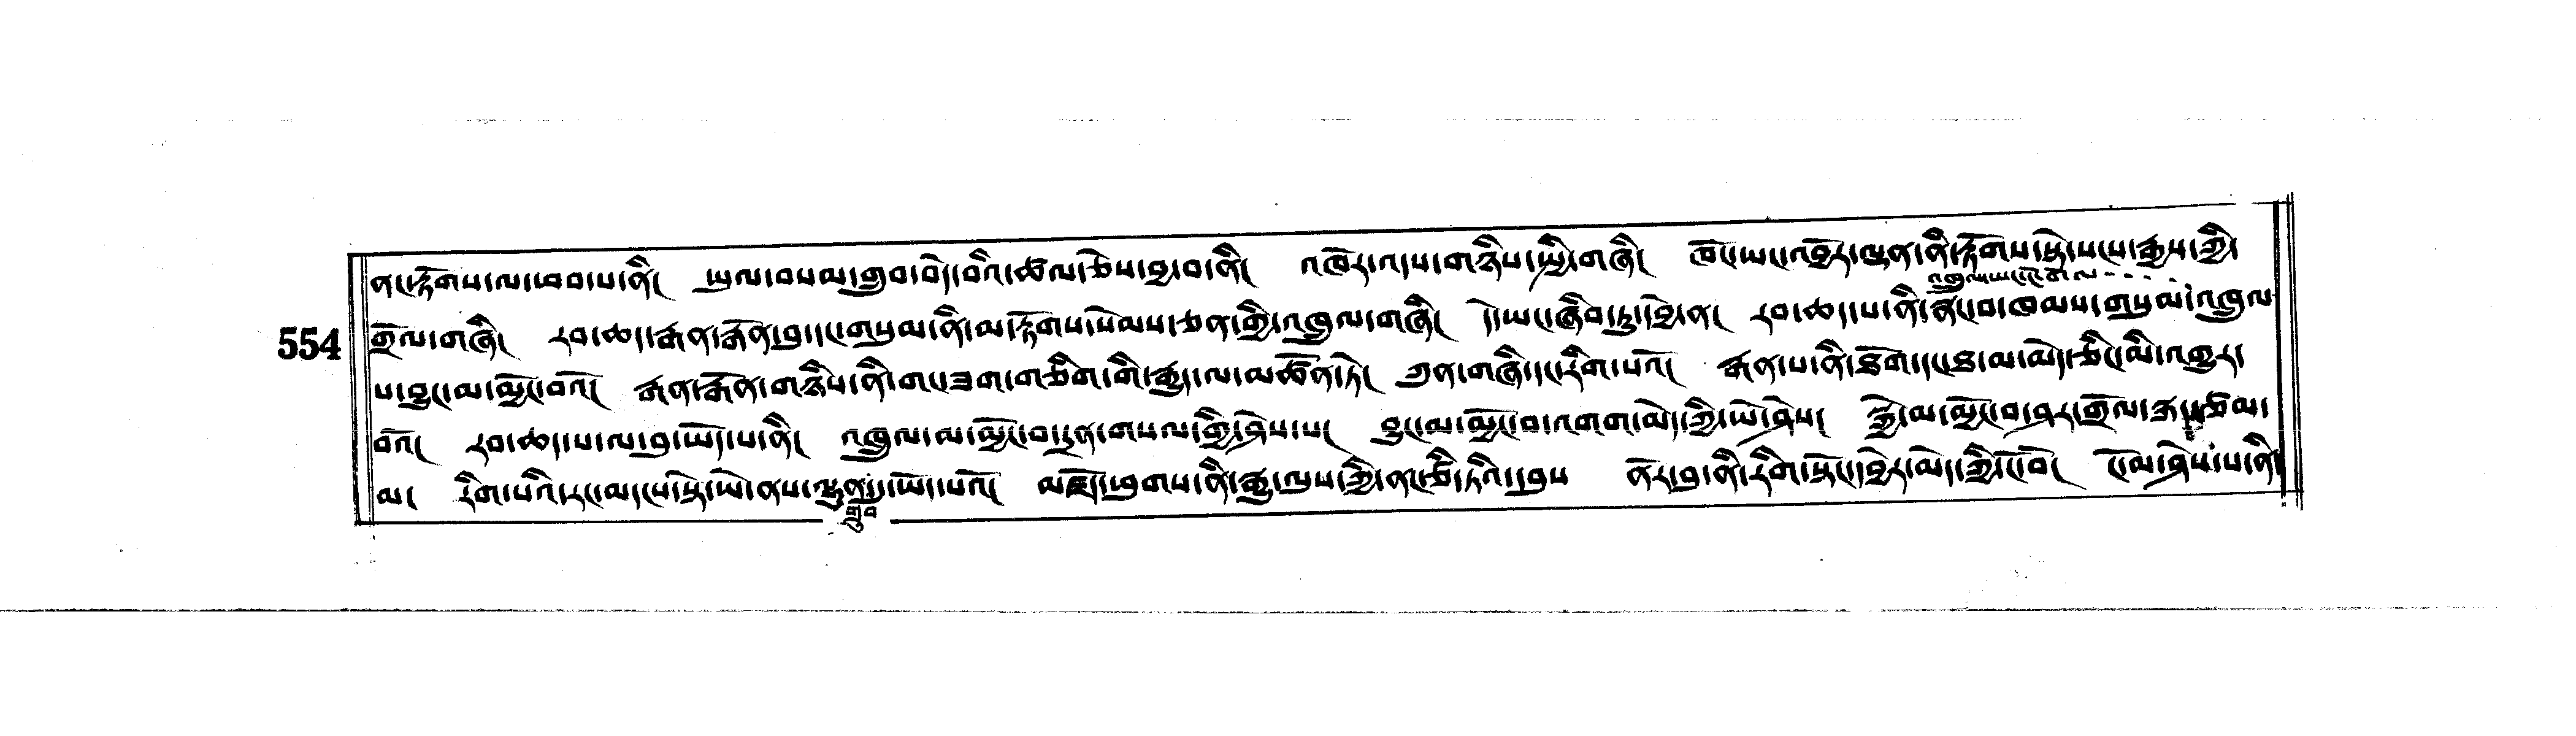ནང་རྟོགས་ལ་ཕབ་པ་ནི། ཡུལ་བསམ་གྲུབ་བདེ་བའི་ཚལ་ཞེས་བྱ་བ་ནི། འཁོར་འདས་གཉིས་ཀྱི་སྤྱི་གཞི། ཁོང་ཡངས་འབྱོར་ལྡན་ནི་རྟོགས་སྟེ་སངས་རྒྱས་ཀྱི་
གྲོལ་གཞི། རབ་ཆད་རྒན་རྒོན་བུ་དང་གསུམ་ནི་མ་རྟོགས་སེམས་ཅན་གྱི་འཁྲུལ་གཞི། དེ་ཡང་ཞིབ་ཏུ་དབྱེ་ན། རབ་ཆད་ནི་སྣང་བ་ཁམས་གསུམ་འཁྲུལ་
པ་བྱུང་མ་མྱོང་བའོ། རྒན་རྒོན་གཉིས་ནི་གང་ཟག་གཅིག་གི་རྒྱུད་ལ་མཚོན་ཏེ། ཀུན་གཞི་དང་རིག་པའོ། རྒན་པ་ནི་ཐོག་དང་ཐ་མ་མེད་ཅིང་མི་འགྱུར་
བའོ། རབ་ཆད་པ་ལ་བུ་ཡོད་པ་ནི། འཁྲུལ་མ་མྱོང་བ་དྲན་གསལ་གྱི་ཤེས་པ། བྱུང་མ་མྱོང་བ་འགག་མེད་ཀྱི་ཡེ་ཤེས། སྐྱེ་མ་མྱོང་བ་ཤར་གྲོལ་སྐད་ཙམ་
མ། རིག་པའི་རང་མདངས་སྟེ་ཡེ་ནས་ལྷུན་གྲུབ་ཏུ་ཡོད་པའོ། མཛོད་ཕུག་ནི་སྒྱུ་ལུས་ཀྱི་ནང་ཙིརྟའི་དབུས། ནོར་བུ་ནི་རིག་སྟོང་དབྱེར་མེད་ཀྱི་ངོ་བོ། ངོ་མ་ཤེས་པ་ནི་